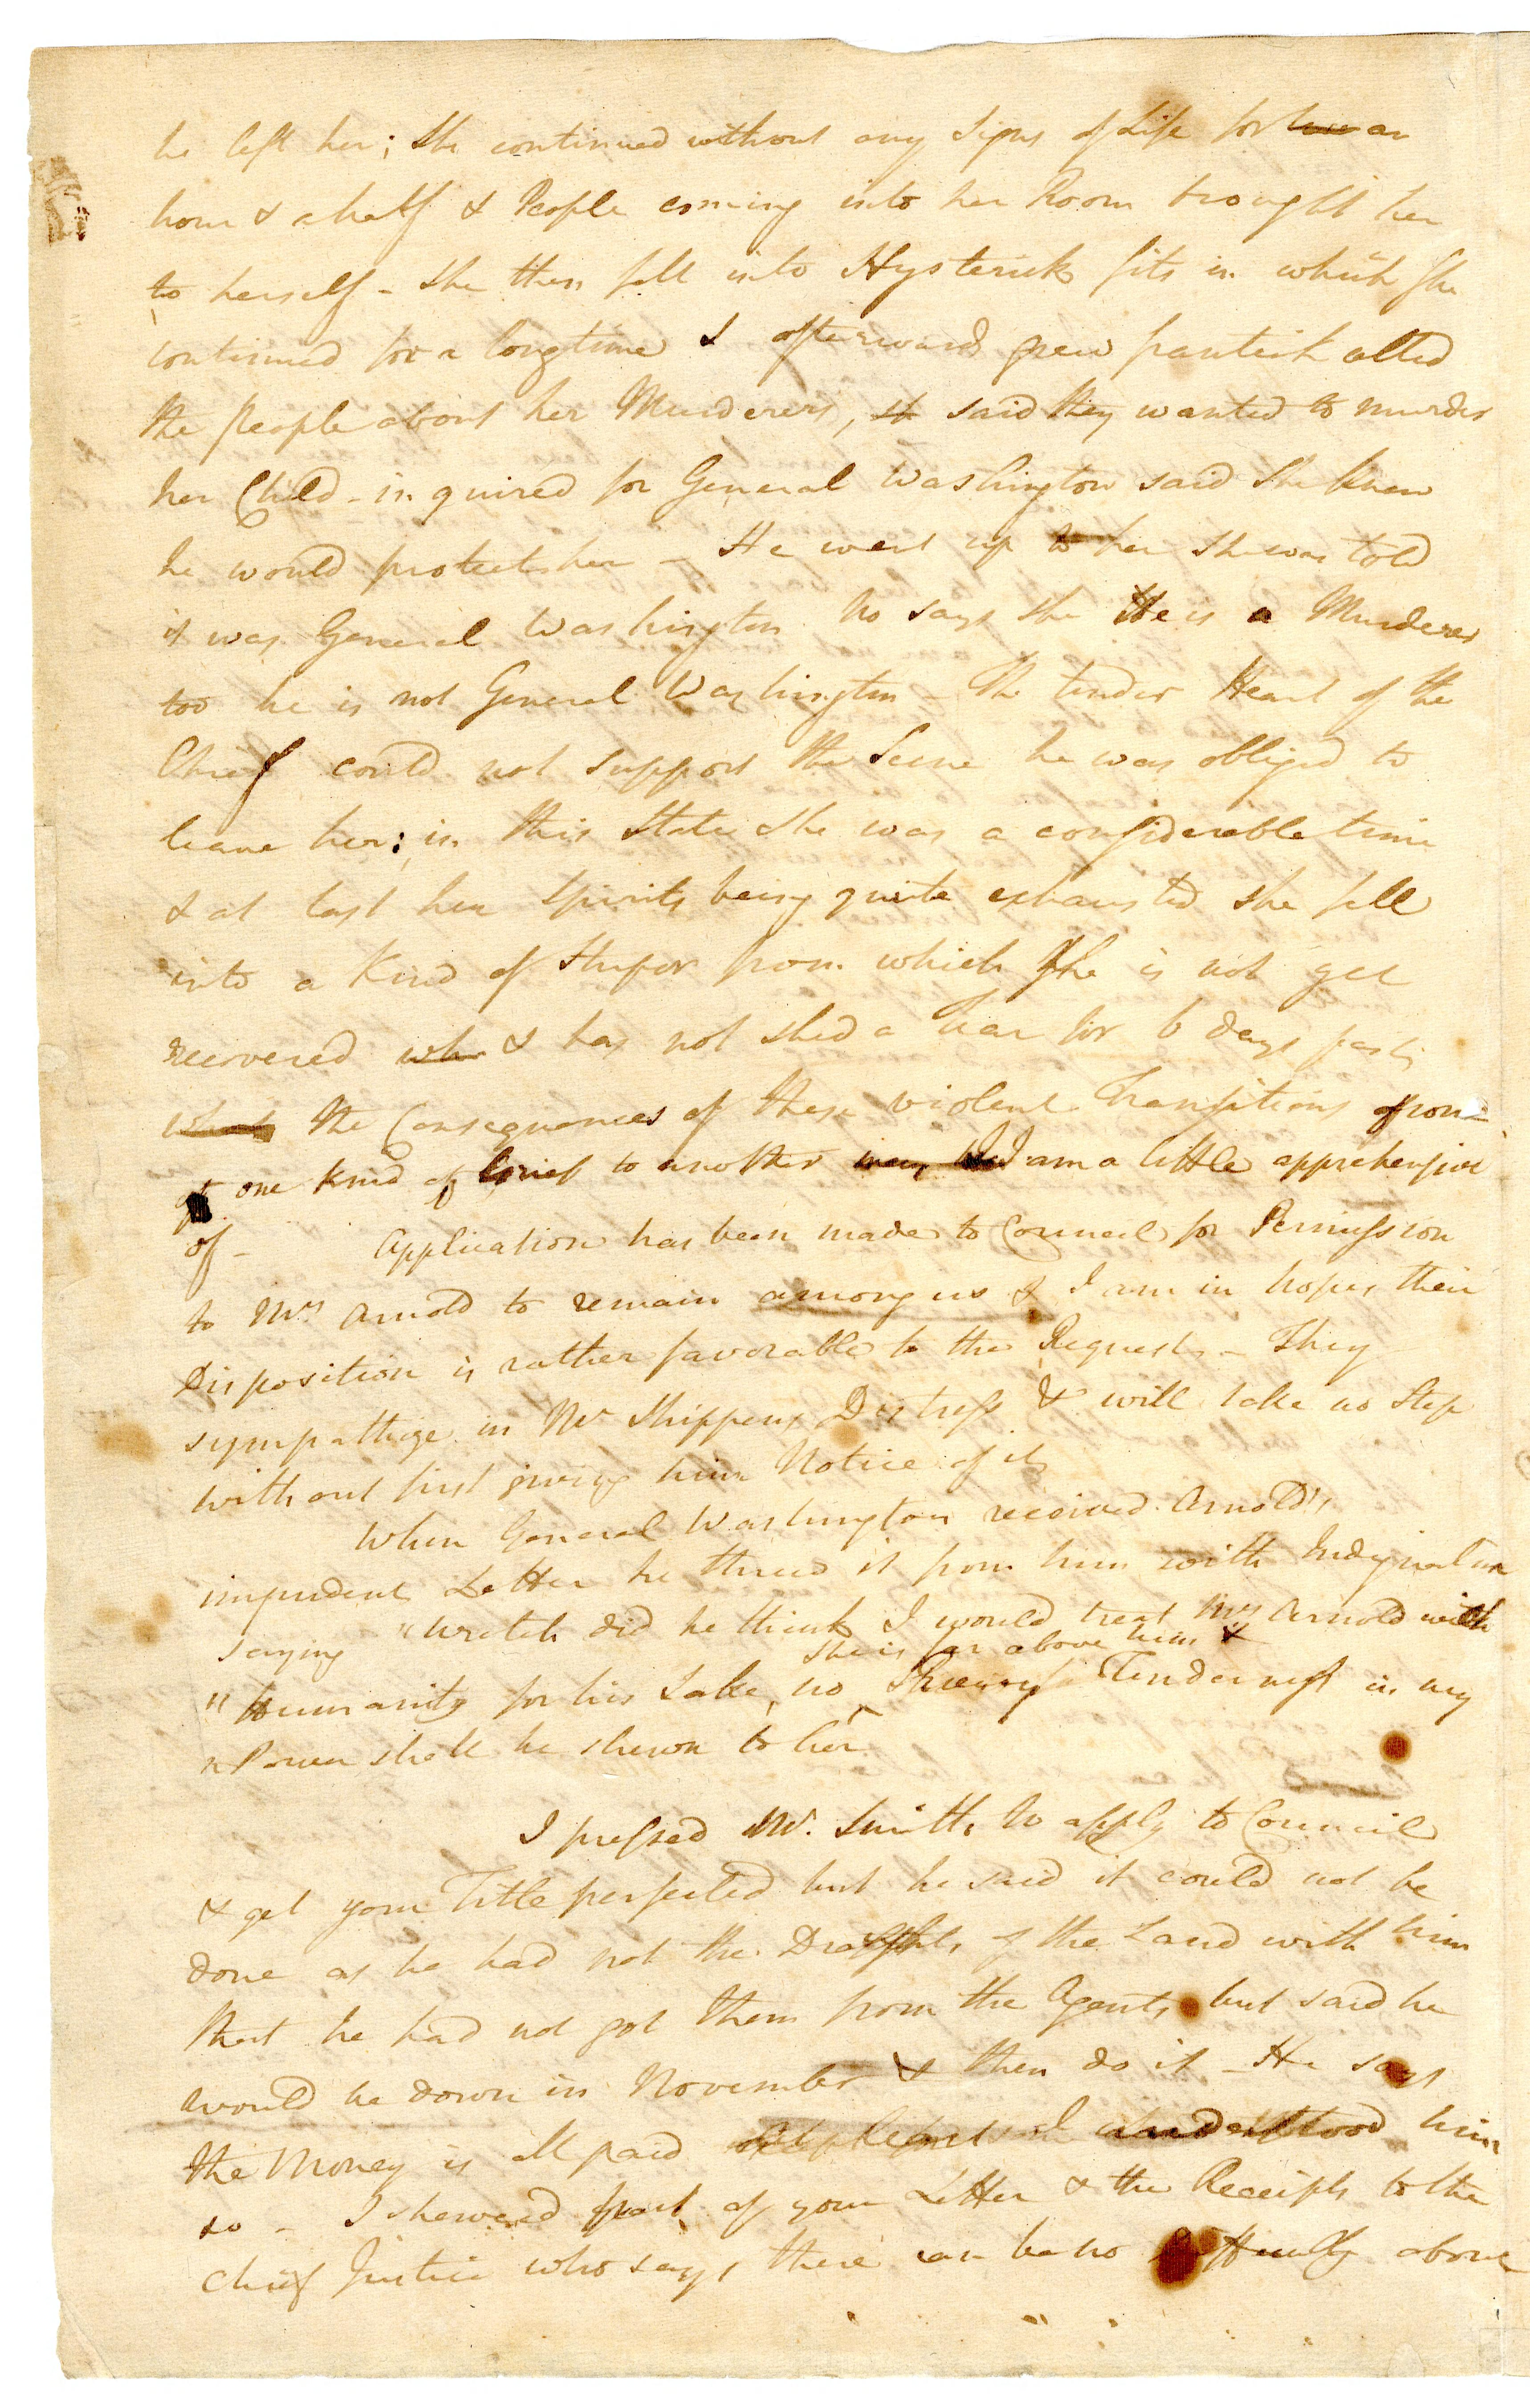he left her; She continued without any signs of Life for near an
hour & a half & People coming into her Room thought her
to herself. she then fell into Hysterick fits in which she
continued for a longtime & afterward grew patient called
the People about her Murderers, it said they wanted to murder
her Child- inquired for General Washington said she knew
he would protect her. He went up to her she was told
it was General Washington no says she He is a Murderer
too he is not General Washington. The tender Heart of the
Chief could not support the scene he was obliged to
leave her; in this state She was a considerable time
& at last her Spirits being quite exhausted she fell
into a kind of Stupor from which she is not yet
recovered wh & has not shed a tear for 6 days past
which the Consequences of these violent Transitions ofron-
it one kind of Grief to another may I am a little apprehensive
of. Application has been made to Council for Pennission
to M^rs. Arnold to remain among us & I am in hopes their
Disposition is rather favorable to the Request. They
sympathize in M^r Shippen's Distress & will take no Step
without first giving him Notice of it
When General Washington received Arnold's
impudent Letter he threw it from him with Indignation
saying
"wretch did he think I would treat M^r. Arnold with
she is far above him &
"Humanity for his Sake, no ^ Every Tenderness is my
a Power shall be shewn to her.
I pressed M^r. Smith to apply to Council
& get your little perfected but he said it could not be
done as he had not the Draughts & the land with him
that he had not got them from the Yeats but said he
would be down in November & then do it. He says
the Money is all paid [__________] I understood him
so. I showed front of your Letter & the Receipts to the
Chief Justice who says there can be no family above